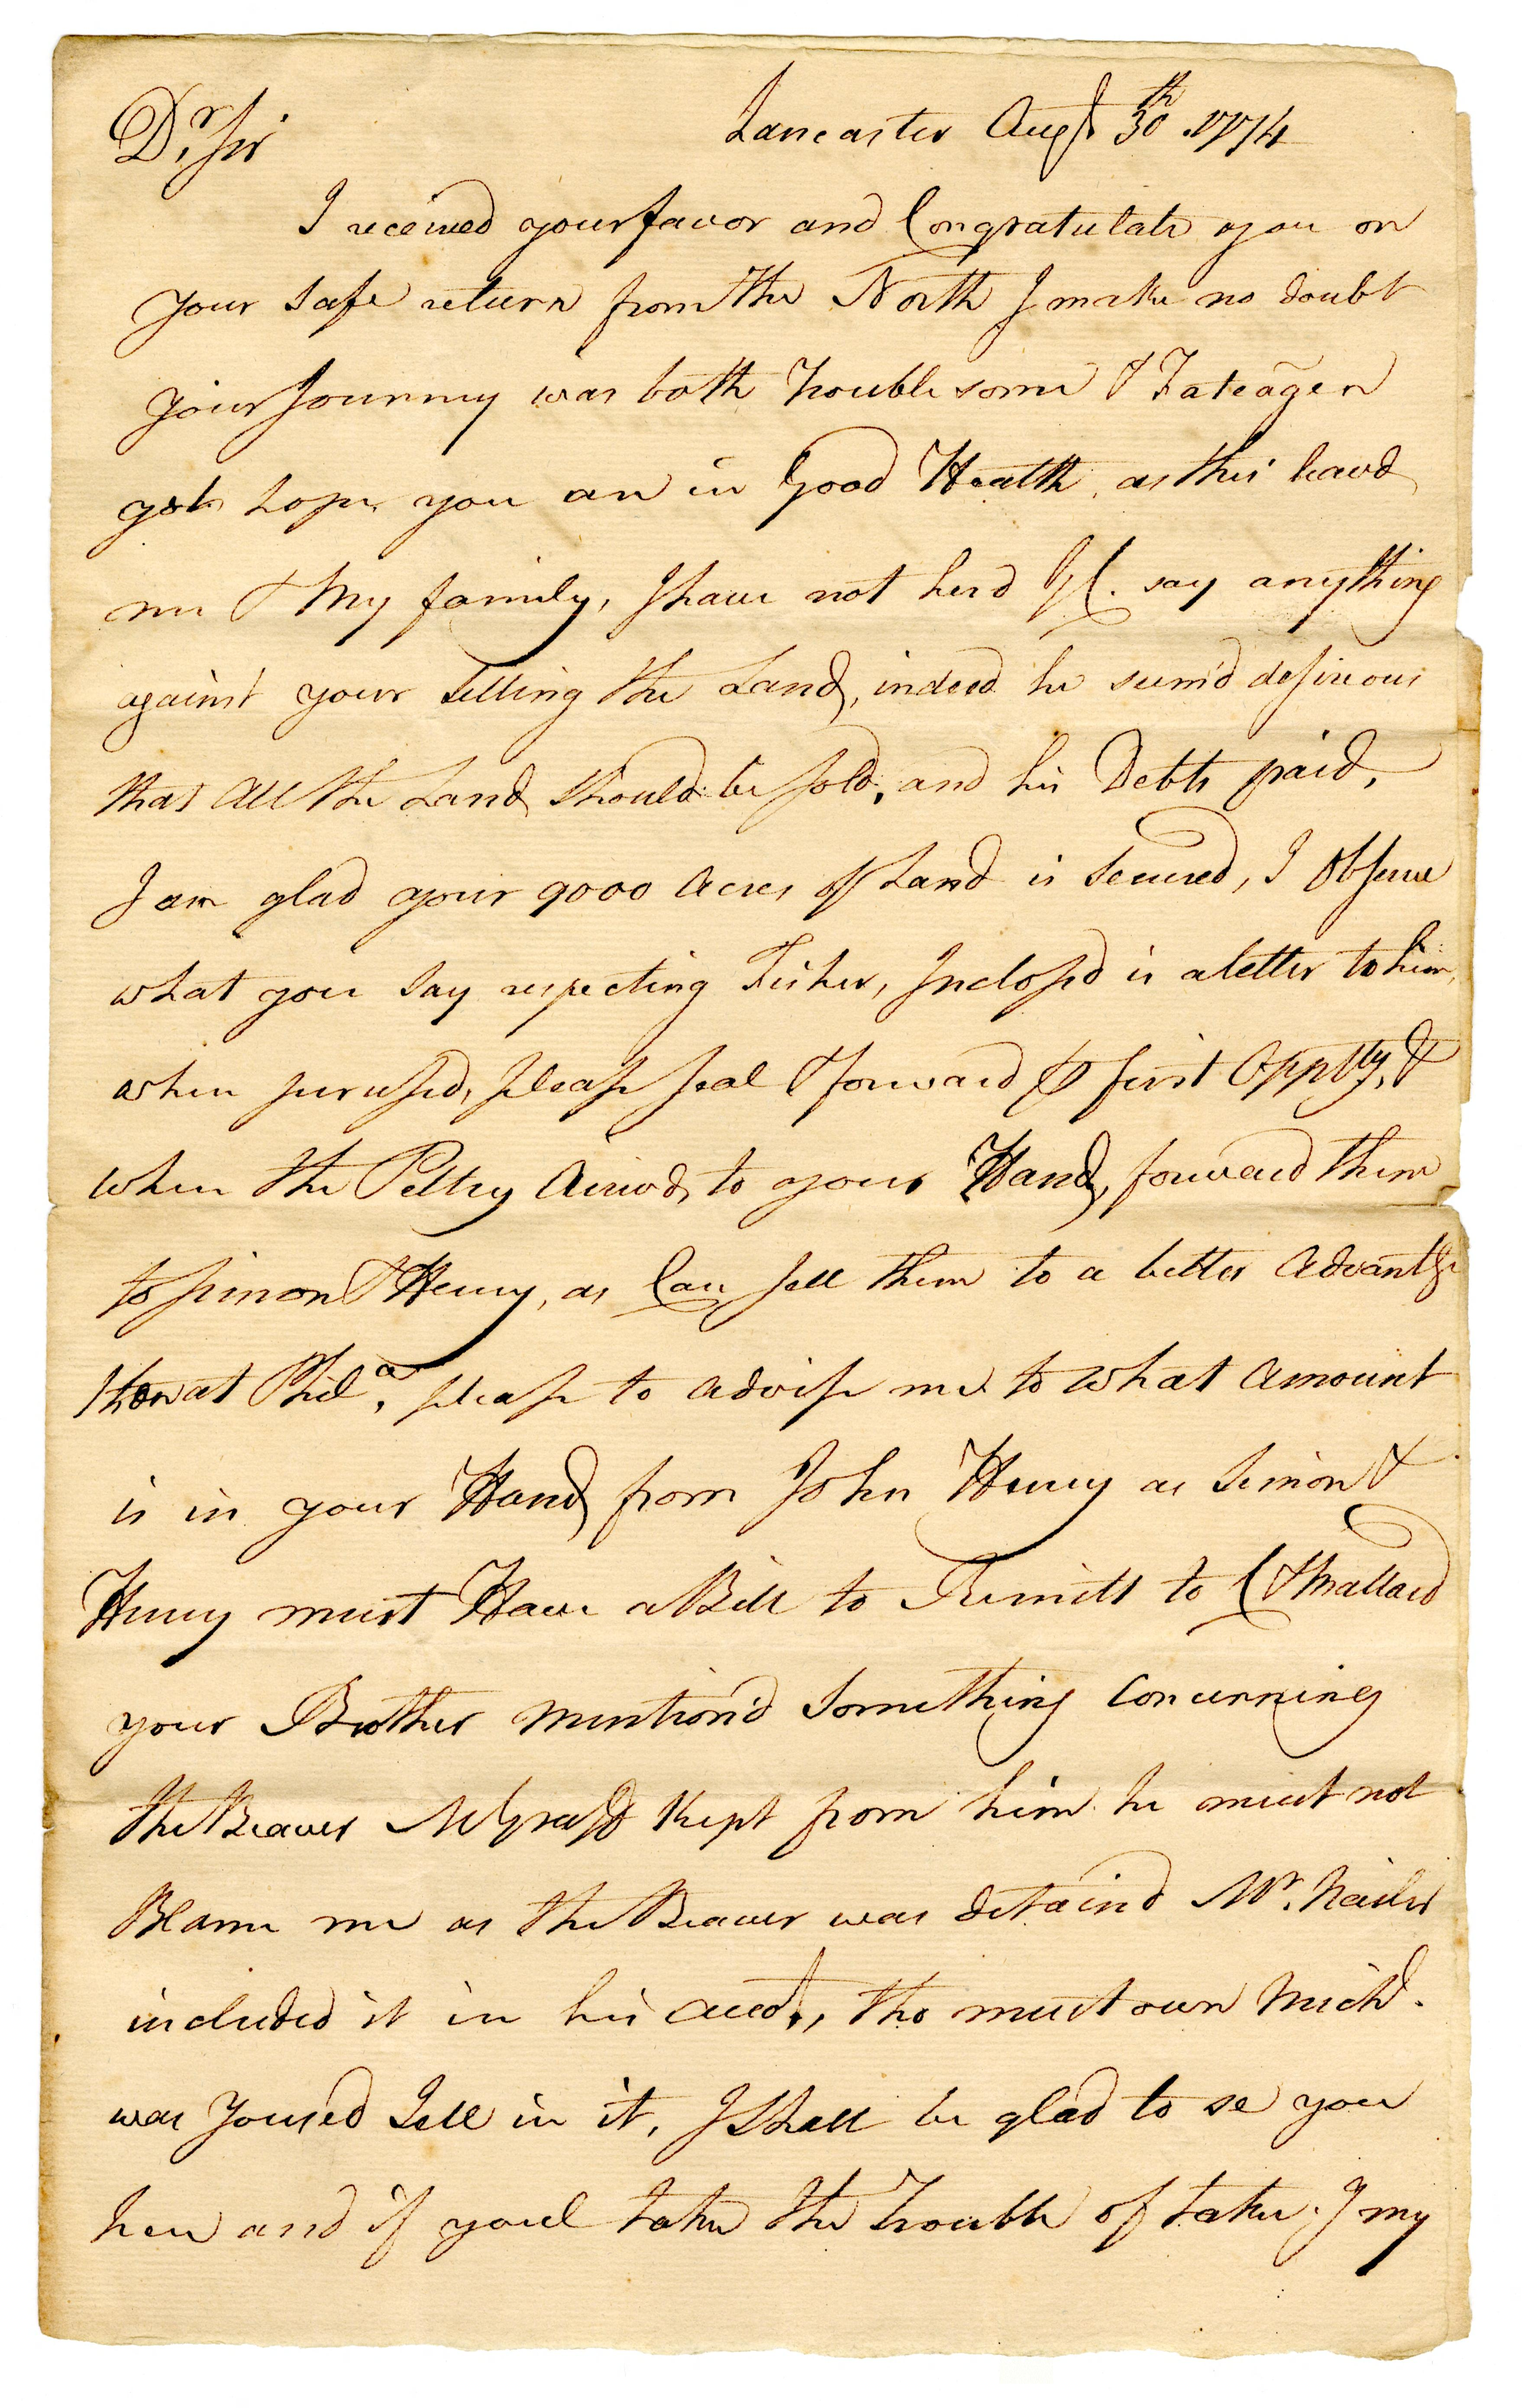Lancaster Aug^t 30^th. 1774
D^r. Sir
I received your favor and Congratulate you on
your Safe return from the North I make no doubt
your Journey was both Trouble some & late agen
yet hope you are in Good Health, as this leave
me & my family, I have not herd GC. say anything
against your selling the Land, indeed he seem'd desirous
that all the Lands should be sold, and his Debts paid,
I am glad your 9000 Acres of Land, is secured, I observe
what you say respecting Fisher, Inclosed is a letter to him
when perused, please seal & forward per first Opp^ty &
when the Peltry Arriv^d, to your Hand, forward them
to Simon & Henry, as Can sell them to a better Advant^ge
than at Phil^a. please to advise me to what amount
is in your Hand from John Henry as Simon &
Henry must Have a Bill to Remitt to C Smallard
your Brother mention'd something Concerning
the Beaver M^r Gratz kept from him he must not
Blame me as the Beaver was detaind M^r Naider
included it in his Acco^t, tho must own mich^l
was youed sale in it, I shall be glad to se you
here and if youl take the trouble of take^g. my